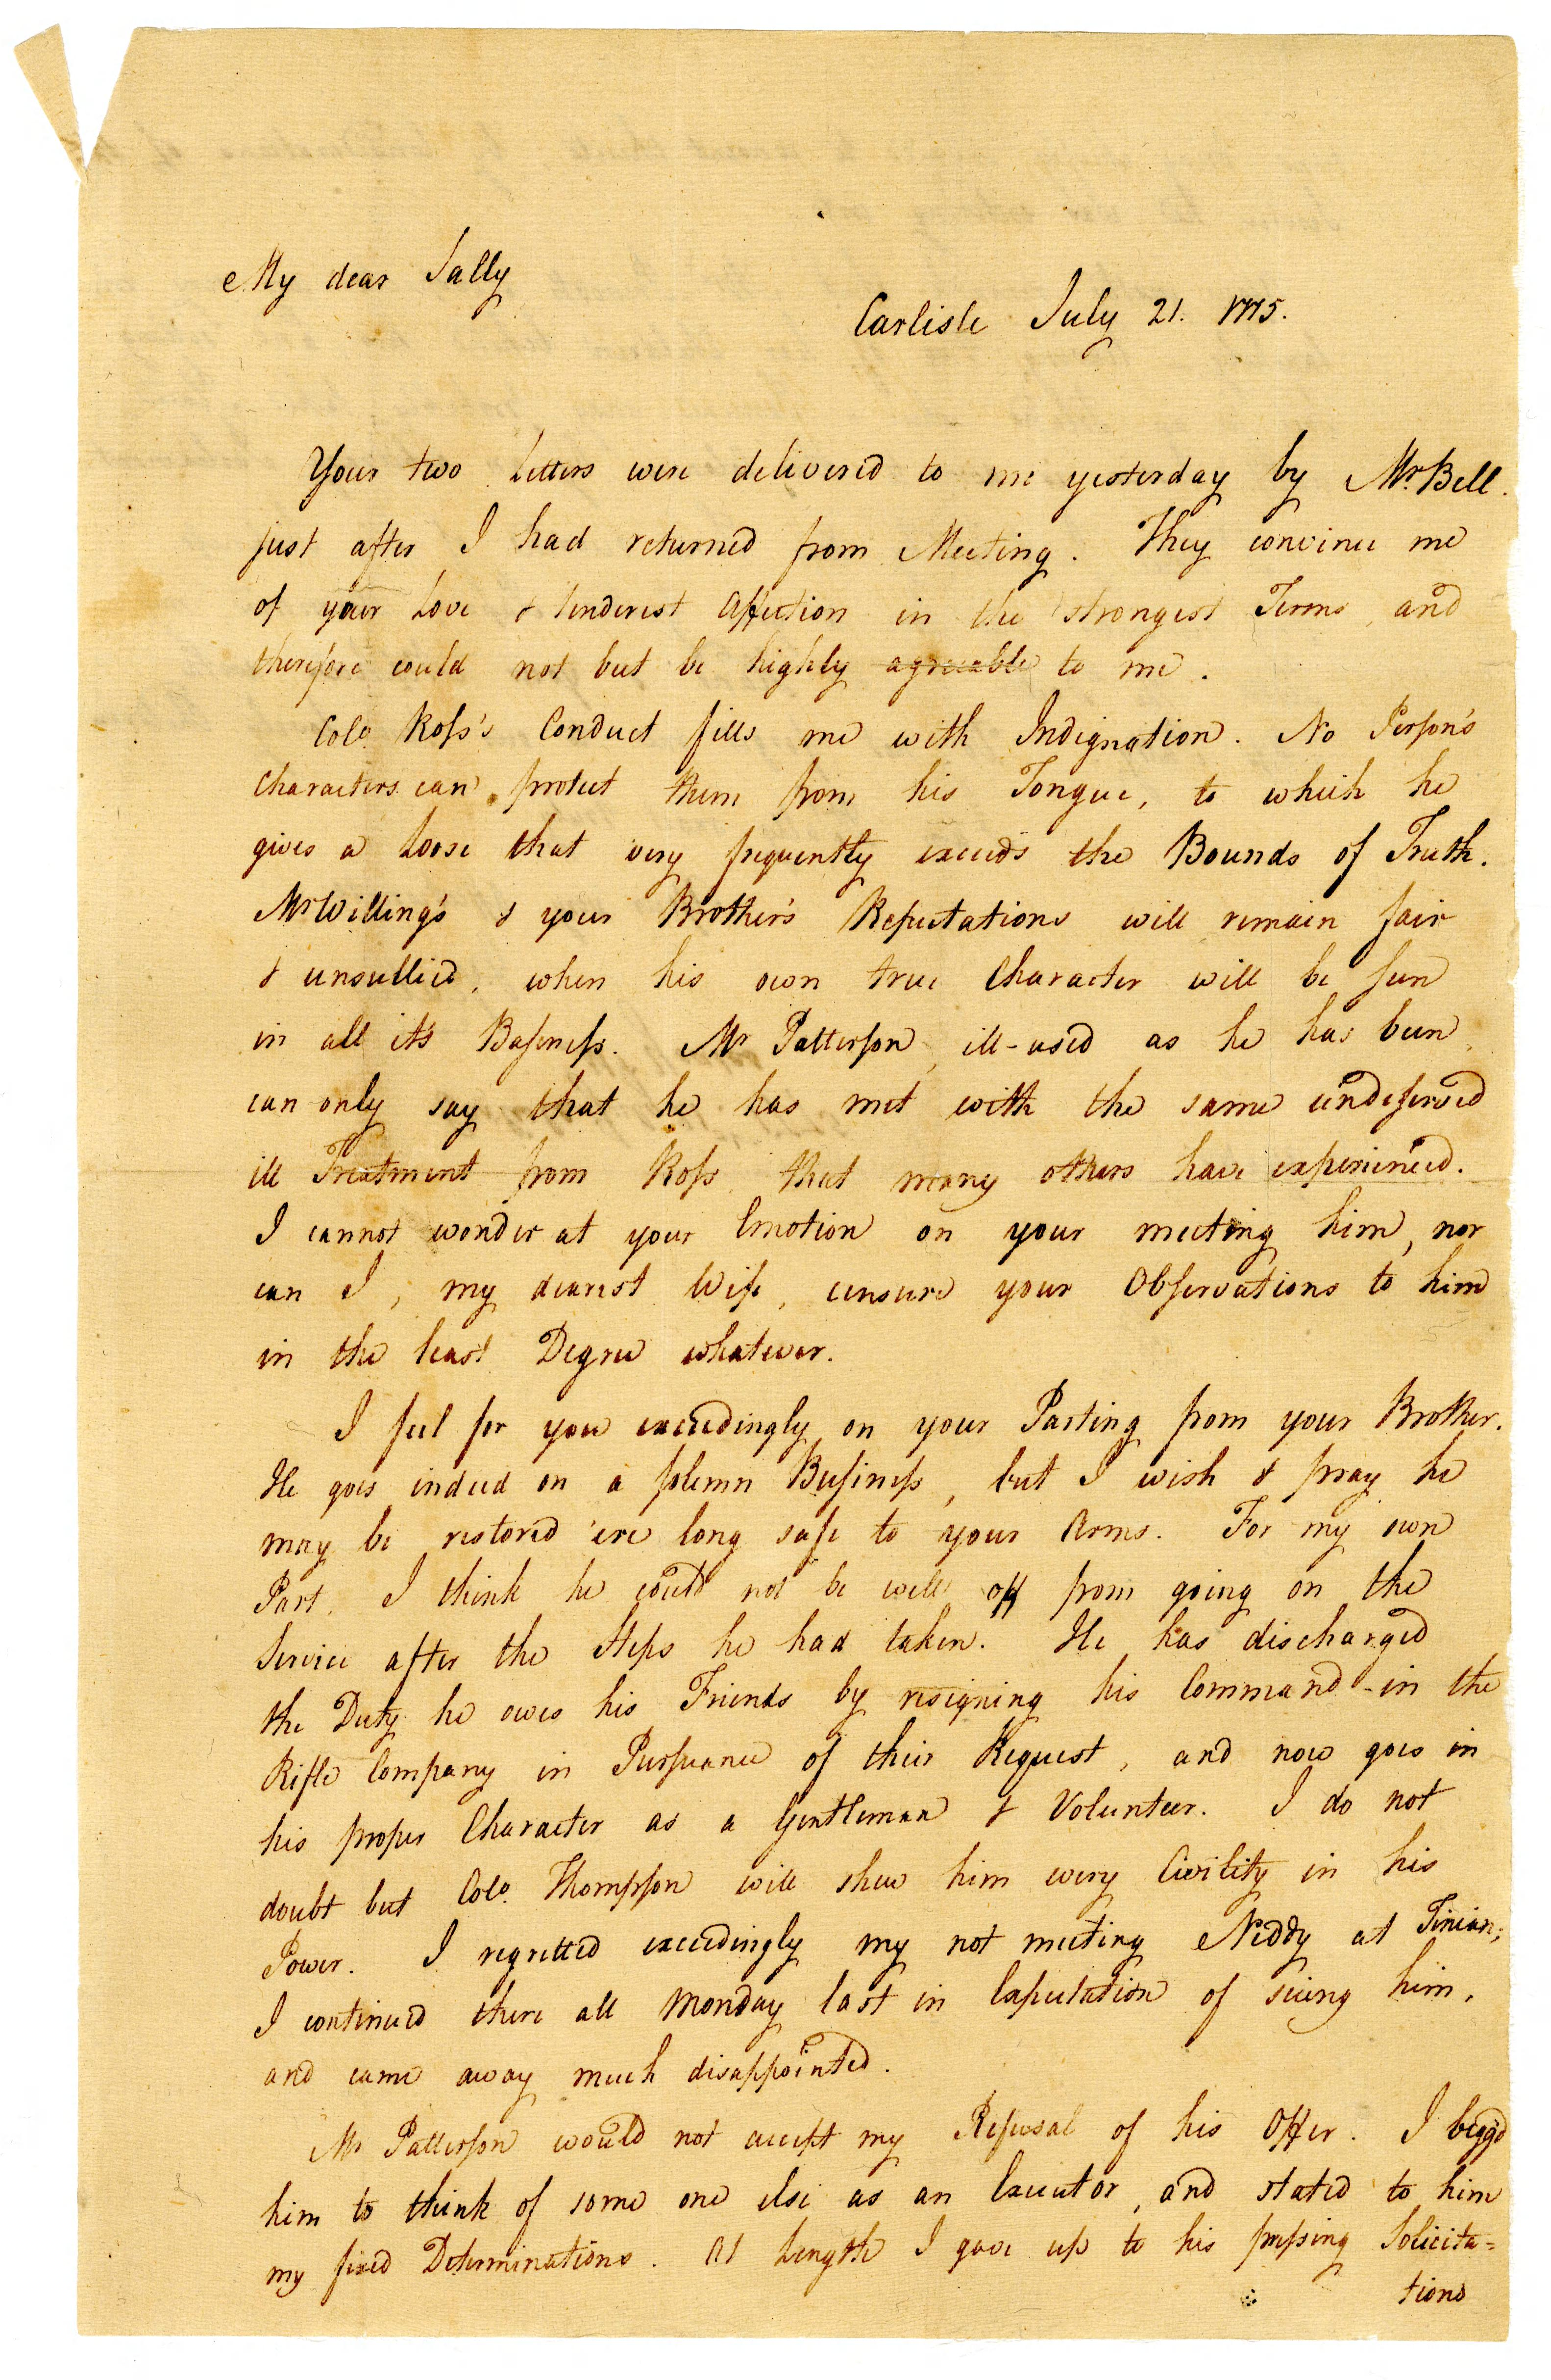Carlisle July 21. 1775.
My dear Sally
Your two Letters were delivered to me yesterday by M^r. Bell
just after I had returned from Meeting. They convince me
of your Love & Tenderest Affection in the strongest Terms and
therefore could not but be highly agreeable to me.
Col^o Ross's Conduct fills me with Indignation. No Person's
characters can protect them from his Tongue, to which he
gives a Loose that very frequently exceeds the Bounds of Truth.
M^r Willing's & your Brother's Reputations will remain fair
& unsullied, when his own true character will be seen
in all its Baseness. M^r Patterson ill-used as he has been
can only say that he has met with the same undeserved
ill Treatment from Ross that many others have experienced.
I cannot wonder at your Emotion on your meeting him, nor
can I, my dearest Wife, censure your Observations to him
in the least Degree whatever.
I feel for you exceedingly on your Parting from your Brother.
He goes indeed on a solemn Business, but I wish & pray he
may be restored ere long safe to your Arms. For my own
Part, I think he could not be well off from going on the
Service after the Steps he had taken. He has discharged
the Duty he owes his Friends by resigning his Command in the
Rifle Company in Pursuance of this Request, and now goes in
his proper Character as a Gentleman & Volunteer. I do not
doubt but Col^o Thompson will shew him every Civility in his
Power. I regretted exceedingly my not meeting Neddy at Tinian;
I continued there all Monday last in Expectation of seeing him,
and came away much disappointed.
Ms Patterson would not accept my Refusal of his Offer. I begg'd
him to think of some one else as an Executor, and stated to him
my fixed Determinations. At Length I gave up to his pressing Solicita-
-tions